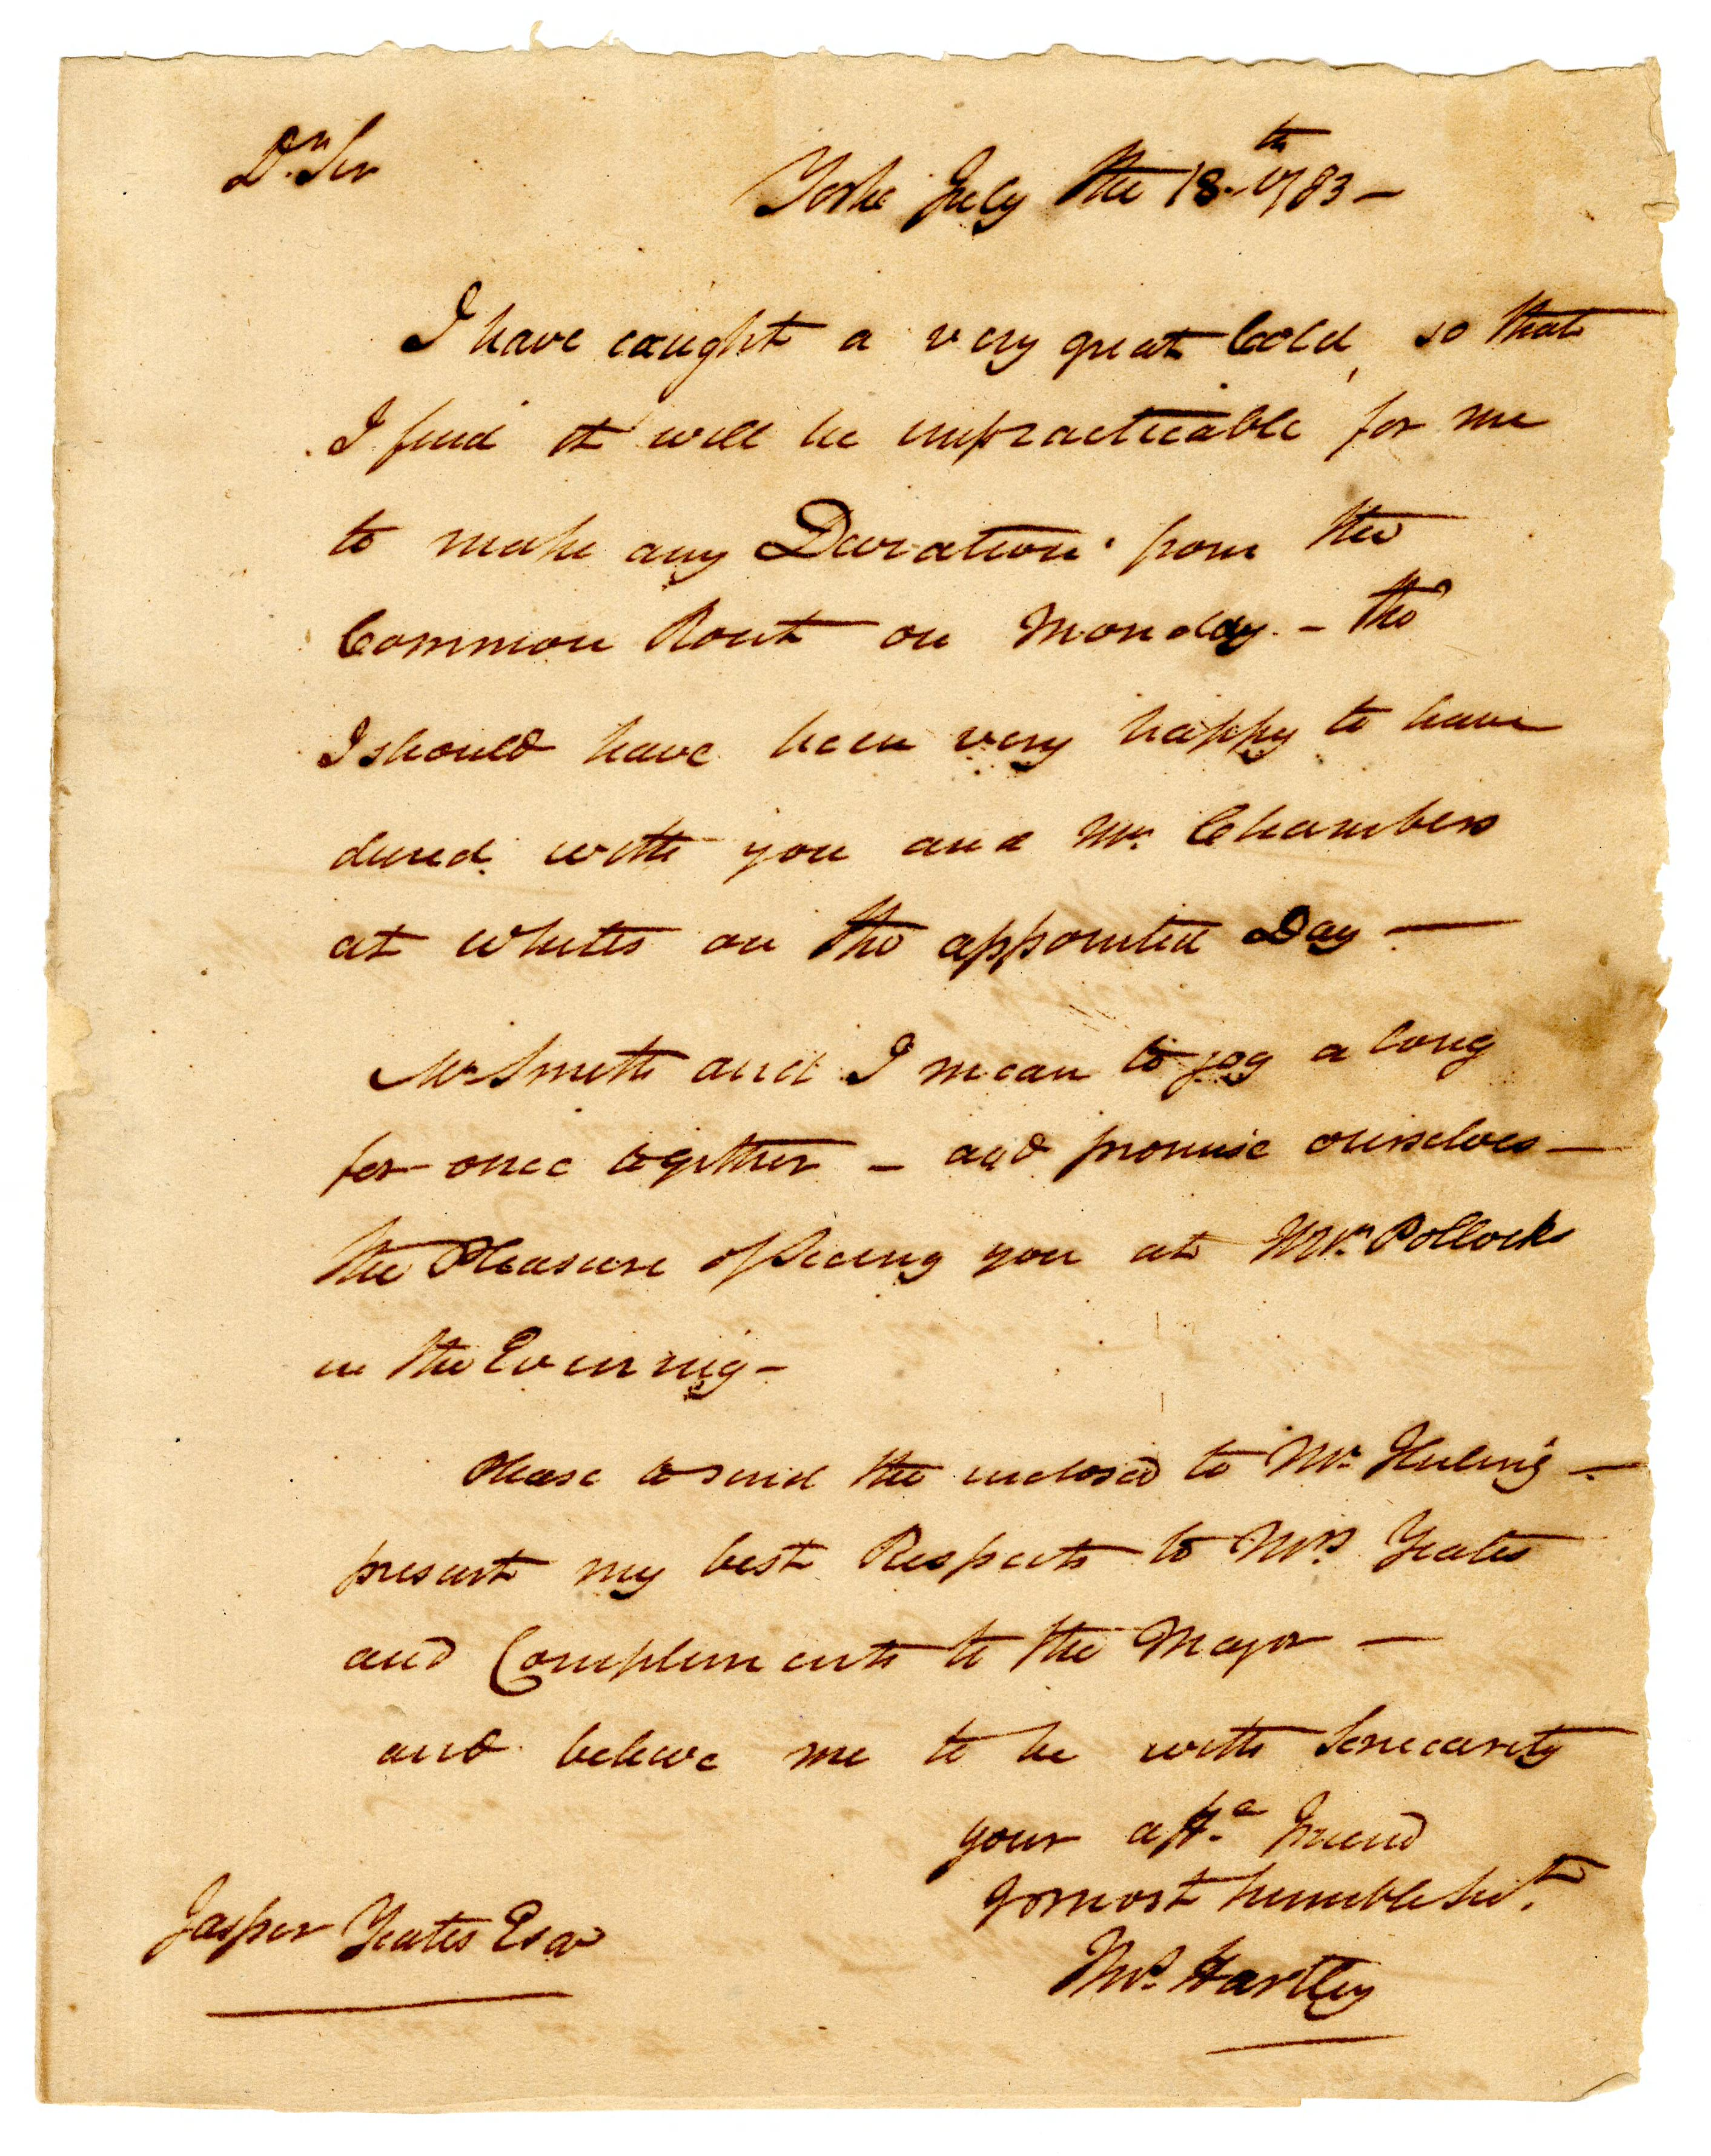York July the 18^th. 1783.
D^r Sir
I have caught a very great Cold so that
I find it will be impracticable for me
to make any Duration from the
Common Rout on Monday. Tho'
I should have been very happy to have
dined with you and M^r. Chambers
at Whites on the appointed Day.
M^r. Smith and I mean to jog a long
for once together, and promise ourselves
the Pleasure of Seeing you at M^r. Pollocks
in the Evening.
Please & send the inclosed to M^r. Huling
present my best Respects to M^rs. Yeates
and Compliments to the Major.
and believe me to be with Sincearity
your aff^e. friend
& most humble ser^t.
Tho^s. Hartley
Jasper Yeates Esq.